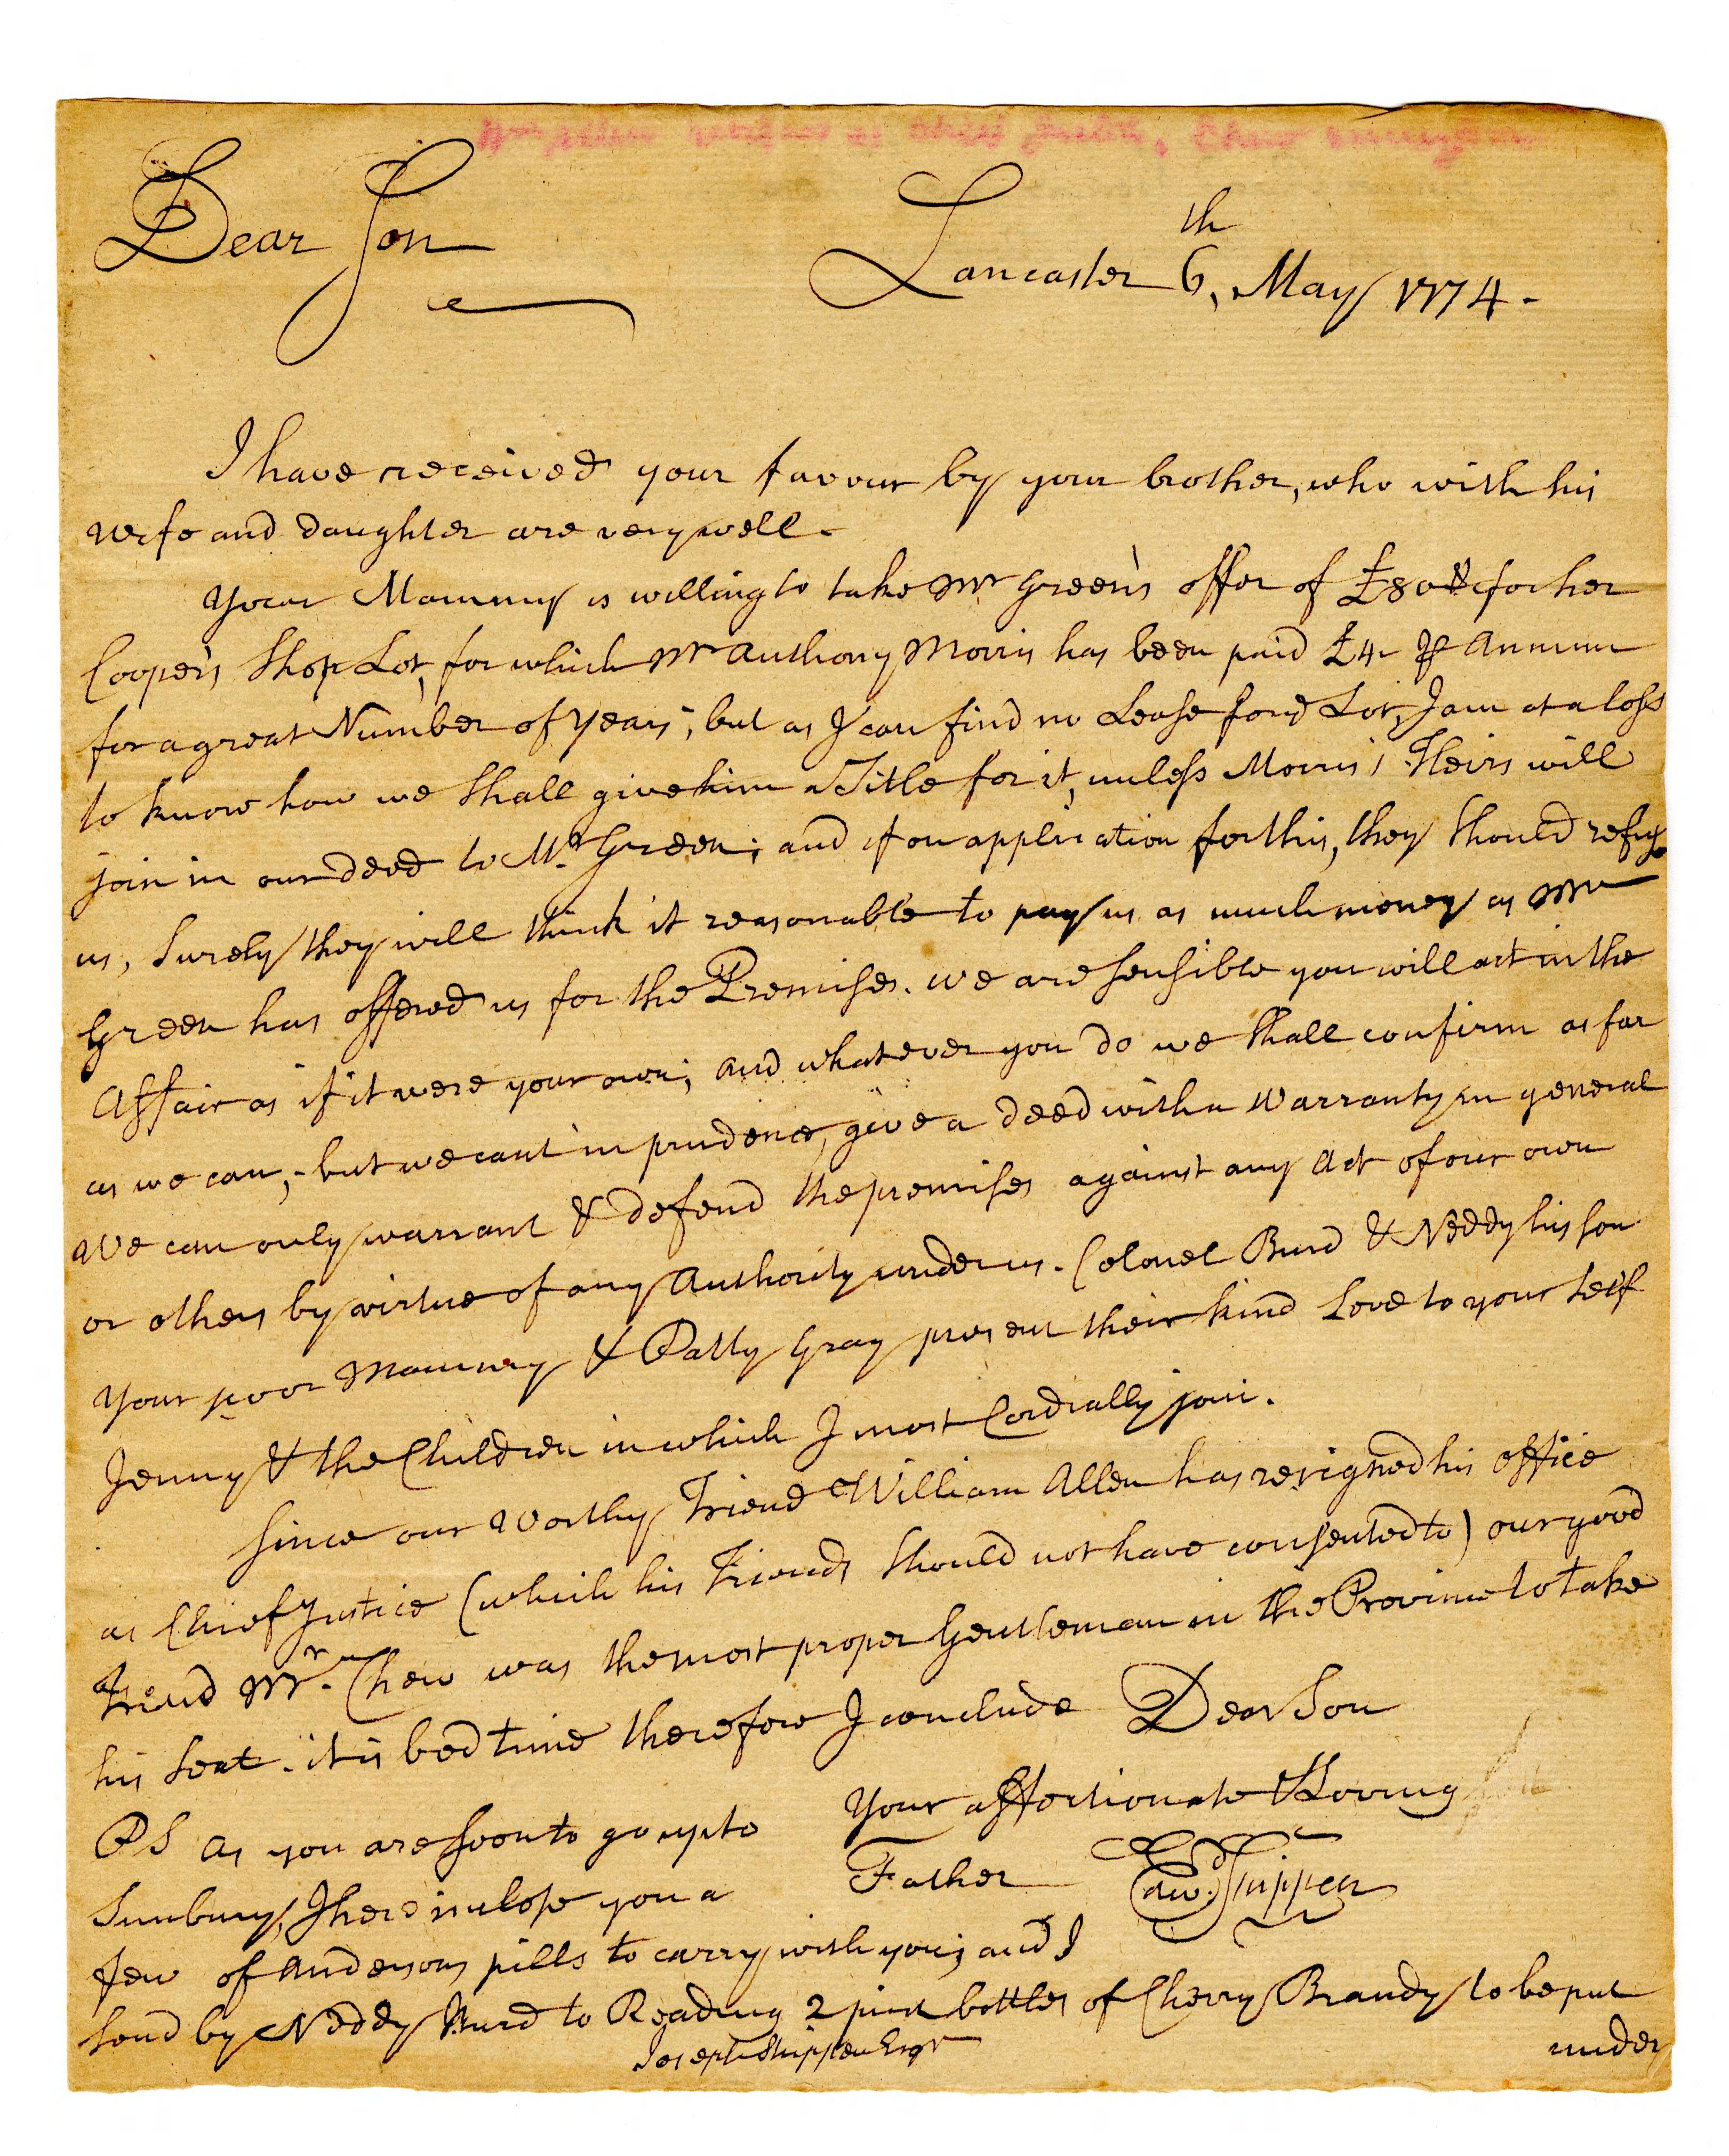Lancaster 6^th, May 1774-
Dear Son
I have received your favour by your brother, who with his
wife and daughter are very well.
Your Mammy is willing to take M^r Green's offer of £8 a lb for her
Cooper's shop Lot, for which M^r Anthony Morris has been paid £4- per Annum
for a great Number of years; but as I can find no Lease for y^e Lot, I am at a loss
to know how we shall give him a Title for it, unless Morris's Heirs will
join in our deed to M.^r Green; and if our application for this, they should refuse
us, surely they will think it reasonable to pay us as much money as M^r
Green has offered us for the Premises. We are sensible you will act in the
Affair as if it were your own; and whatever you do we shall confirm as far
as we can,- but we cant in prudence, give a deed withn Warranty in general
We can only warrant & defend the premises against any Act of our own
or others by virtue of any Authority under us. Colonel Burd & Neddy his son
Your poor Mammy & Pally Gray send out their kind Love to your self
Jonny & the Children in which I most Cordially join.
Since our Worthy Friend William Allen has resigned his office
as Chief Justice (which his Friends should not have consented to) our good
friend M^r Chew was the most proper Gentleman in the Province to take
his seat. it is bed time therefore I conclude Dear Son
Your affectionate & Loving
Father Edw. Shippen
PS As you are soon to go into
Sunbury, I here inclose you a
few of Andersons pills to carry with you; and I
send by Neddy Burd to Reading 2 pint bottles of Cherry Brandy to be put
Joseph Shippen Esq^r
under